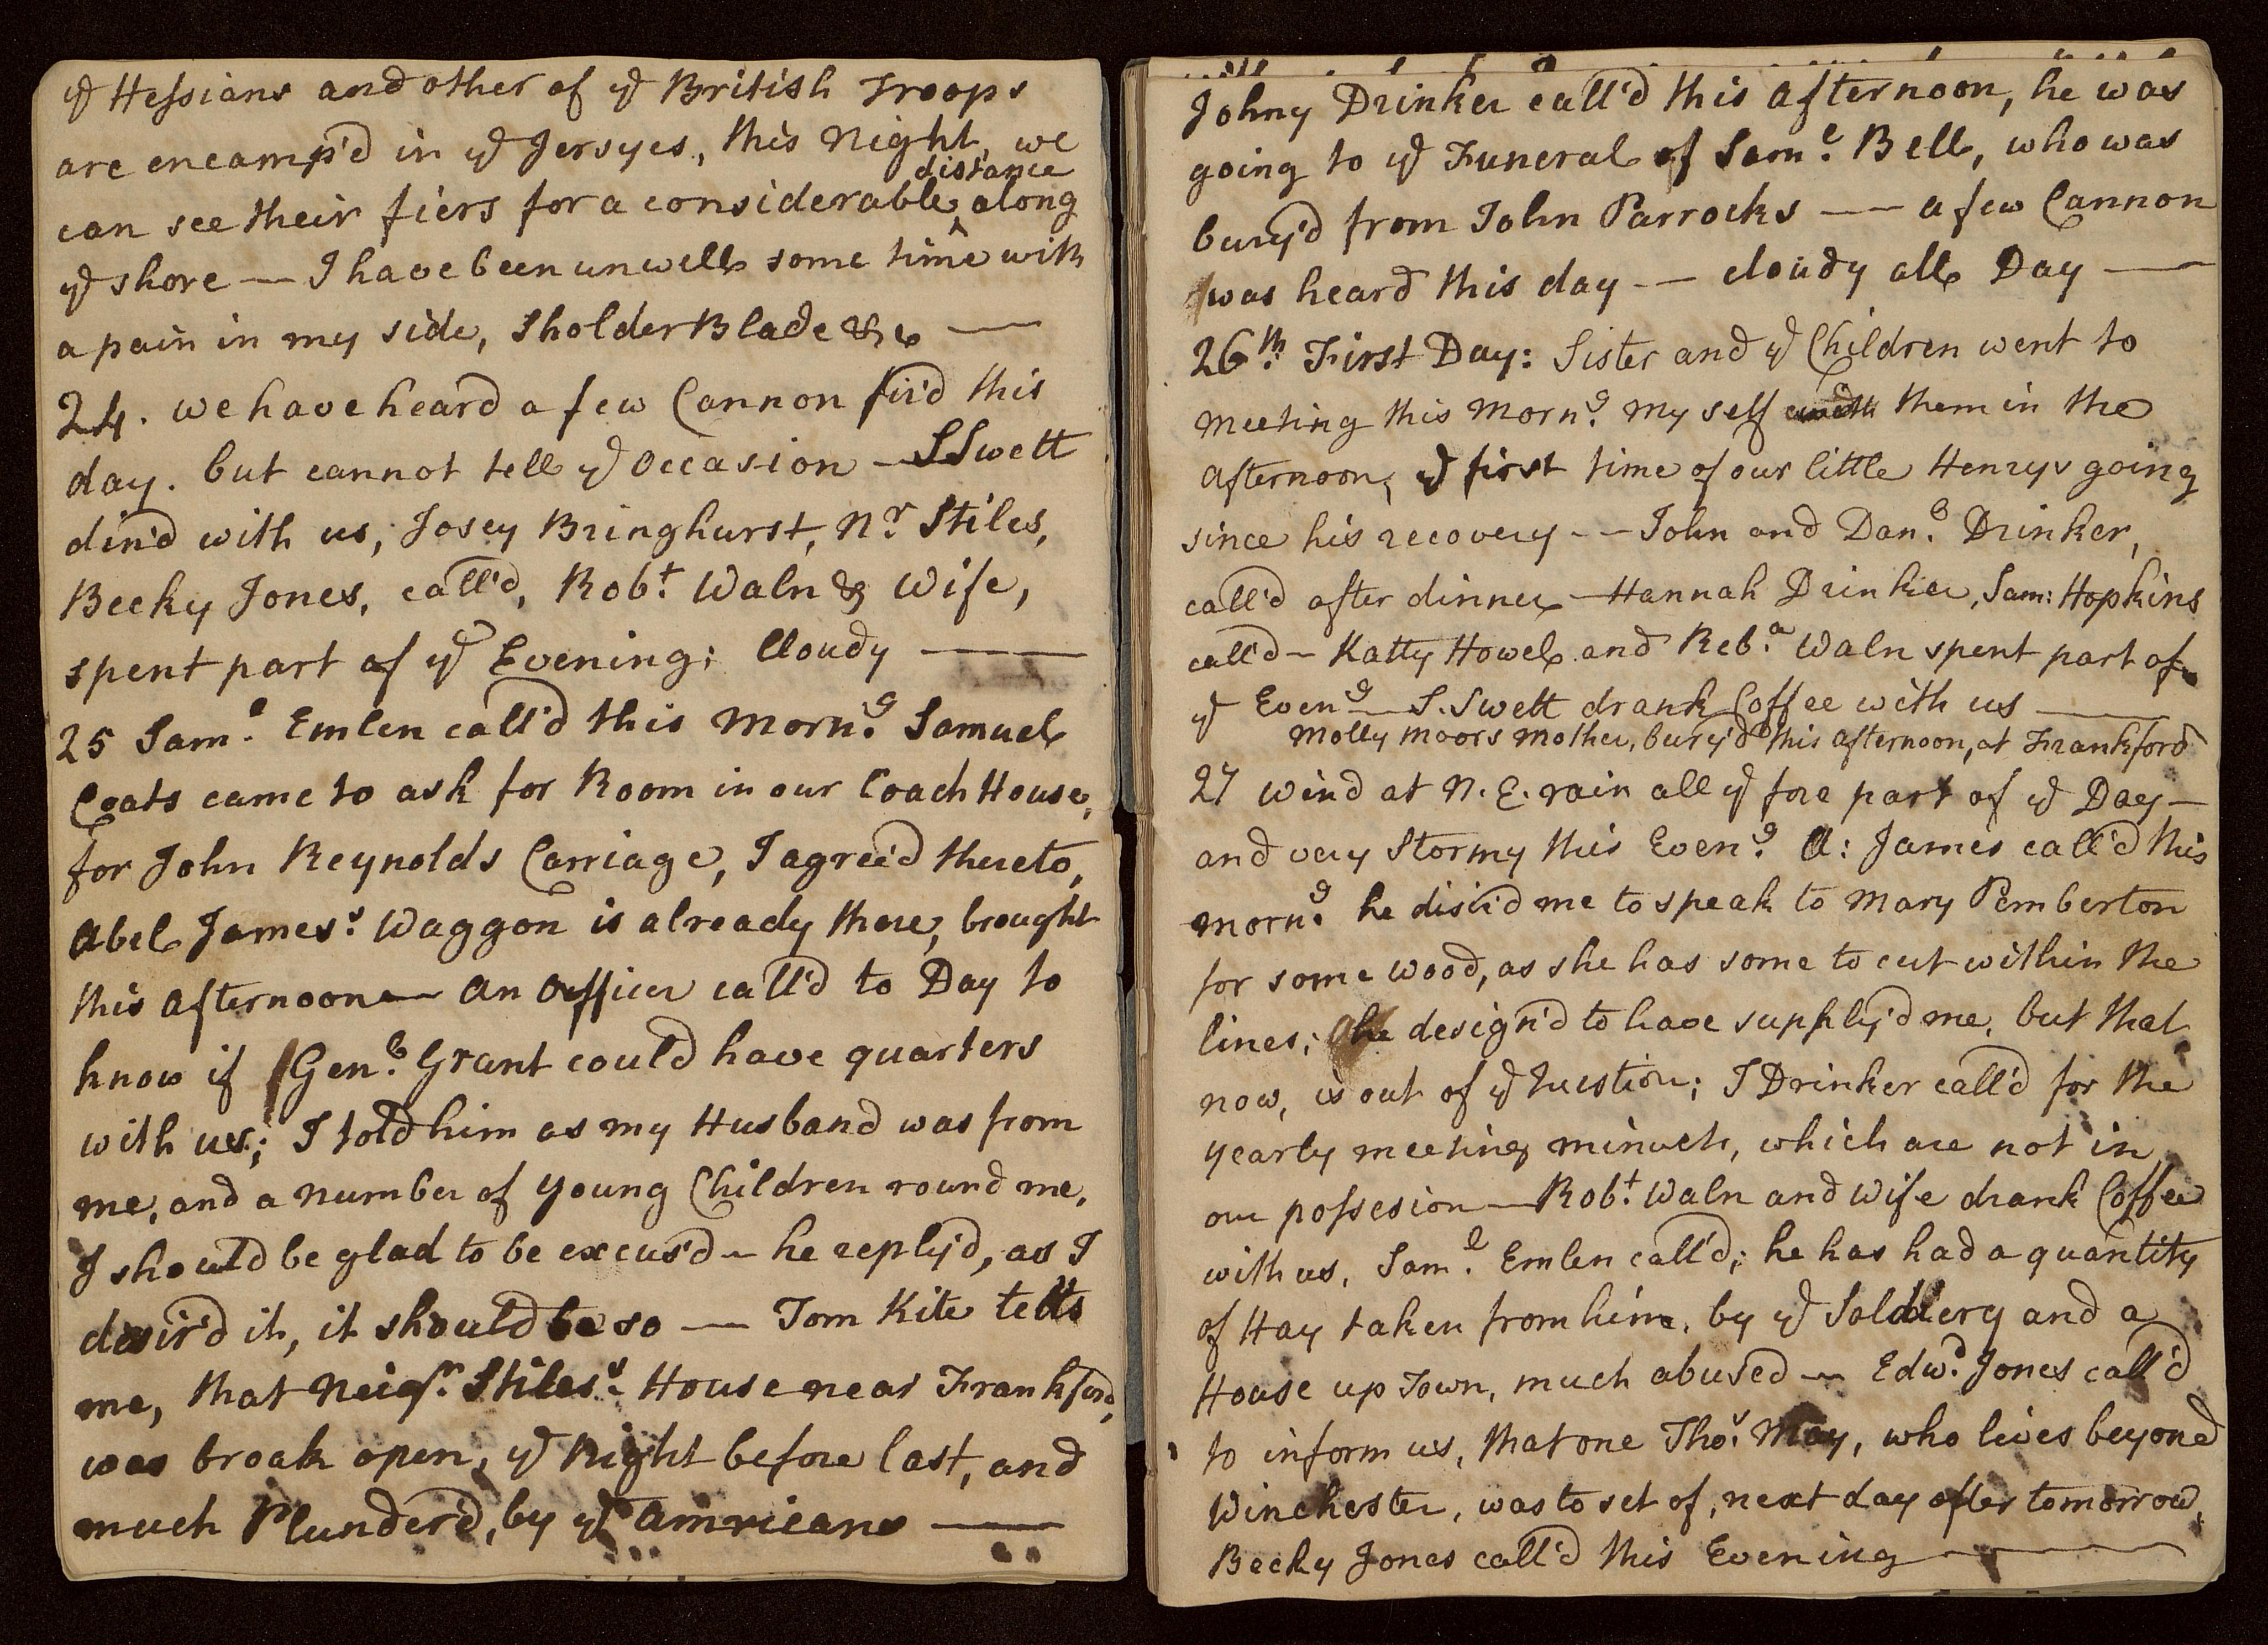y^e Hessians and other of y^ British Troops
are encamp'd in y^e Jersyes, this Night, we
distance
can see their fiers for a considerable ^ along
y^e shore- I have been unwell some time with
a pain in my side, Sholder Blade &e-
24. we have heard a few Cannon fir'd this
day. but cannot tell y^e occasion- S Swelt
dind with us; Josey Bringhurst, N^r. Stiles,
Becky Jones, call'd, Rob^t. Waln & Wife,
spent part of y^e Evening; Cloudy-
25 Sam^l. Emlen call'd this Morn^g. Samuel
coats came to ash for Room in our Coach House,
for John Reynolds Carriage, I agree'd thereto,
Abel James^s. Waggon is already there, brought
this Afternoon- An Officer call'd to Day to
know if Gen^l. Grant could have quarters
with us; I told him as my Husband was from
me and a number of Young Children round me,
I should be glad to be excus'd- he reply'd, as I
desir'd it, it should be so- Tom Kite tells
me, that Neigh^r. Stiles^s. House near Frankford,
was broak open, y^e night before last, and
much Plunder'd, by y^e Amricans -
Johny Drinker call'd this afternoon, he was
going to y^e Funeral of Sam^l. Bell, who was
bury'd from John Parrocks- a few Cannon
was heard this day - cloudy all Day-
26^th. First Day: Sister and y^e Children went to
Meeting this Morn^g. my self [with] them in the
Afternoon y^e first time of our little Henrys going
since his recovery-- John and Dan^l. Drinker,
call'd after dinner- Hannah Drinker, Sam: Hopkins
call'd- Katty Howel and Reb^a. Waln spent part of
y^e Even^g- S. Swelt drank Coffee with us-
Molly Moors Mother, bury d this Afternoon, at Frankford
27 wind at N.E. rain all y^e for a part of y^e Day-
and very Stormy this Even^g. A: James call'd this
morn^g. he disir'd me to speak to Mary Pemberton
for some wood, as she has some to cut within the
lines; he design'd to have supply'd me, but that
now, is out of y^e Question; S Drinker call'd for the
yearly meeting minuets, which are not in
our possesion- Rob^t. Waln and Wife drank Coffee
with us, Sam^l. Emlen call'd; he has had a quantity
of Hay taken from him, by y^e Soldiery and a
House up Town, much abused- Edw^d. Jones call'd
to inform us, that one Tho^s. May, who lives beyond
Winchester, was to set of, next day after tomorrow,
Becky Jones call'd this Evening